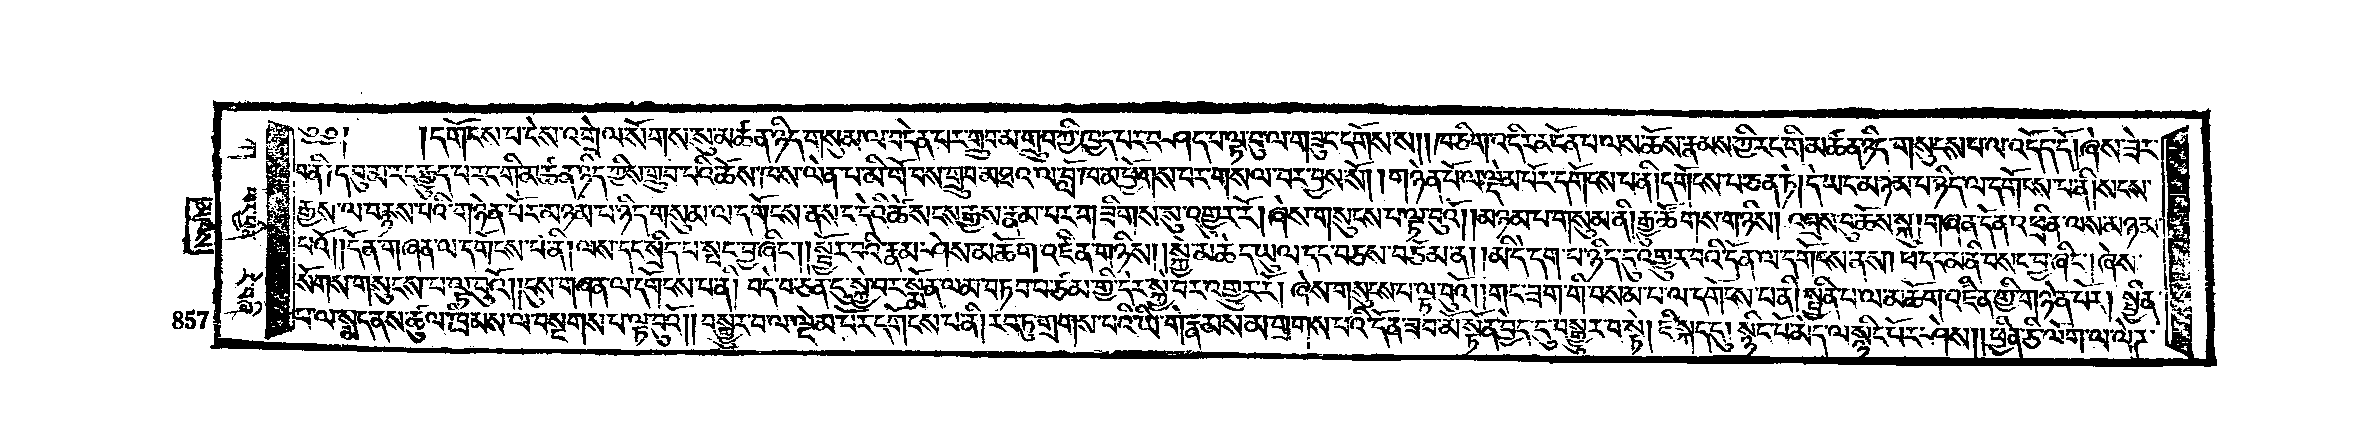༄༅། །དགོངས་པ་ངེས་འགྲེལ་སོགས་སུ་མཚན་ཉིད་གསུམ་ལ་བདེན་པར་གྲུབ་མ་གྲུབ་ཀྱི་ཁྱད་པར་བཤད་པ་ལྟ་བུ་ལ་གཟུང་དགོས་སོ། །ཁ་ཅིག་འདིར་མངོན་པ་ལས་ཆོས་རྣམས་ཀྱི་རང་གི་མཚན་ཉིད་གསུངས་པ་ལ་འདོད་དོ། ཞེས་ཟེར་
བ་ནི། དབུ་མ་རང་རྒྱུད་པ་རང་གི་མཚན་ཉིད་ཀྱིས་གྲུབ་པའི་ཆོས་ཁས་ལེན་པ་མི་གོ་བས་གྲུབ་མཐའ་ལ་བློ་ཁ་མ་ཕྱོགས་པར་གསལ་བར་བྱས་སོ། །གཉེན་པོ་ལ་ལྡེམ་པོར་དགོངས་པ་ནི། དགོངས་པ་ཅན་ཏེ། དེ་ཡང་མཉམ་པ་ཉིད་ལ་དགོངས་པ་ནི། སངས་
རྒྱས་ལ་བརྙས་པའི་གཉེན་པོར་མཉམ་པ་ཉིད་གསུམ་ལ་དགོངས་ནས་ང་དེའི་ཚེ་སངས་རྒྱས་རྣམ་པར་གཟིགས་སུ་འགྱུར་རོ། ཞེས་གསུངས་པ་ལྟ་བུའོ། །མཉམ་པ་གསུམ་ནི། རྒྱུ་ཚོགས་གཉིས། འབྲས་བུ་ཆོས་སྐུ། གཞན་དོན་འཕྲིན་ལས་མཉམ་
པའོ། །དོན་གཞན་ལ་དགོངས་པ་ནི། ལས་དང་སྲིད་པ་སྤང་བྱ་ཞིང་། །སྦྱོར་བའི་རྣམ་ཤེས་མཆོག་འཛིན་གཉིས། །སྐྱེ་མཆེད་ཡུལ་དང་བཅས་བཅོམ་ན། །མི་དེ་དག་པ་ཉིད་དུ་འགྱུར་བའི་དོན་ལ་དགོངས་ནས། ཕ་དང་མ་ནི་བསད་བྱ་ཞིང་། ཞེས་
སོགས་གསུངས་པ་ལྟ་བུའོ། །དུས་གཞན་ལ་དགོངས་པ་ནི། བདེ་བ་ཅན་དུ་སྐྱེ་བར་སྨོན་ལམ་བཏབ་པ་ཙམ་གྱི་དེར་སྐྱེ་བར་འགྱུར་རོ། ཞེས་གསུངས་པ་ལྟ་བུའོ། །གང་ཟག་གི་བསམ་པ་ལ་དགོངས་པ་ནི། སྦྱིན་པ་ལ་མཆོག་འཛིན་གྱི་གཉེན་པོར། སྦྱིན་
པ་ལ་སྨད་ནས་ཚུལ་ཁྲིམས་ལ་བསྔགས་པ་ལྟ་བུའོ། །བསྒྱུར་བ་ལ་ལྡེམ་པོར་དགོངས་པ་ནི། རབ་ཏུ་གྲགས་པའི་ཡི་གེ་རྣམས་མ་གྲགས་པའི་དོན་ཟབ་མོ་སྟོན་བྱེད་དུ་བསྒྱུར་བ་སྟེ། ཇི་སྐད་དུ། སྙིང་པོ་མེད་ལ་སྙིང་པོར་ཤེས། །ཕྱིན་ཅི་ལོག་ལ་ལེགས་